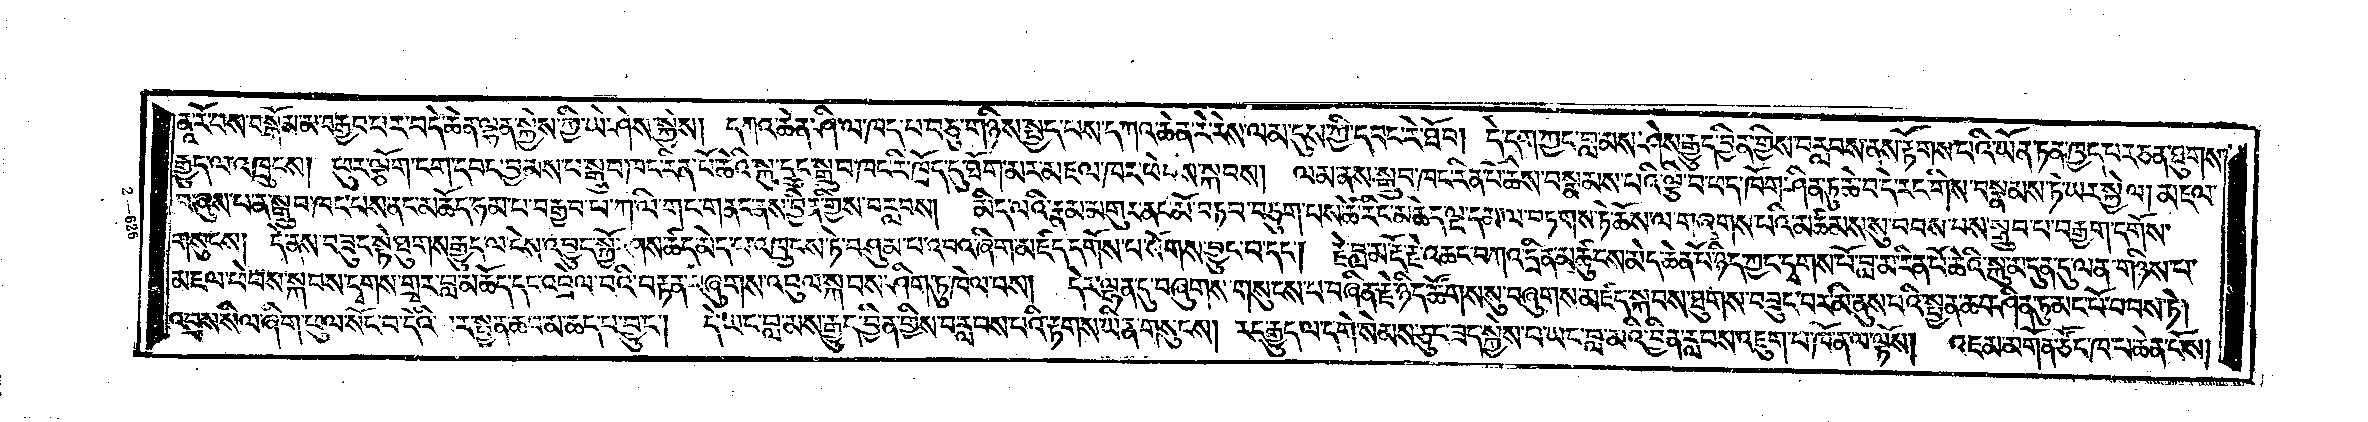ནཱ་རོ་པས་བསྒོམ་མ་བརྒྱབ་པར་བདེ་ཆེན་ལྷན་སྐྱེས་ཀྱི་ཡེ་ཤེས་སྐྱེས། དཀའ་ཆེན་ཤི་ལ་ཁད་པ་བཅུ་གཉིས་སྤྱད་པས་དཀའ་ཆེན་རེ་རེས་ལམ་དུས་ཀྱི་དབང་རེ་ཐོབ། དེ་དག་ཀྱང་བླ་མས་ཤེས་རྒྱུད་བྱིན་གྱིས་བརླབས་ནས་རྟོགས་པའི་ཡོན་ཏན་ཁྱད་པར་ཅན་ཐུགས་
རྒྱུད་ལ་འཁྲུངས། ཕུར་ལྕོག་ངག་དབང་བྱམས་པ་སྒྲུབ་ཁང་རིན་པོ་ཆེའི་སྐུ་དྲུང་སྒྲུབ་ཁང་རི་ཁྲོད་དུ་ཐོག་མར་མཇལ་ཁར་ཕེབས་སྐབས། ལམ་ནས་སྒྲུབ་ཁང་རིན་པོ་ཆེས་བསྣམས་པའི་ལྕི་བ་ཕད་ཁོག་ཤིན་ཏུ་ཆེ་བ་དེ་རང་གིས་བསྣམས་ཏེ་ཡར་སྐྱེ་ལ། མཇལ་
བ་ཞུས་པ་ན་སྒྲུབ་ཁང་པས་ནང་མཆོད་ཧམ་པ་བརྒྱབ་པ་ཀ་ལི་གང་གནང་ནས་བྱིན་གྱིས་བརླབས། མིད་ལའི་རྣམ་མགུར་ནང་མོ་བཏབ་བཅུག་པས་ཚེ་རིང་མཆེད་ལྔ་དམ་པ་ལ་བཏགས་ཏེ་ཆོས་ལ་གཞུགས་པའི་མཚམས་སུ་བབས་པས་སྒྲུབ་པ་བརྒྱག་དགོས་
གསུངས། དེ་ནས་བཟུང་སྟེ་ཐུགས་རྒྱུད་ལ་ངེས་འབྱུང་སྐྱོ་ཤས་ཚད་མེད་པ་འཁྲུངས་ཏེ་བཤུམ་པ་འབའ་ཞིག་མཛད་དགོས་པ་སོགས་བྱུང་བ་དང་། རྗེ་བླ་མ་རྡོ་རྗེ་འཆང་བཀའ་དྲིན་མཚུངས་མེད་ཆེན་པོ་ཉིད་ཀྱང་དྭགས་པོ་བླ་མ་རིན་པོ་ཆེའི་སྐུ་མདུན་དུ་ལན་གཉིས་པ་
མཇལ་ཕེབས་སྐབས་དྭགས་གྲྭར་བླ་མཆོད་དང་འབྲེལ་བའི་བརྟན་བཞུགས་འབུལ་སྐབས་ཤིག་ཏུ་ཁེལ་བས། དེར་ལྷན་དུ་བཞུགས་གསུངས་པ་བཞིན་རྗེ་ཉིད་ཚོགས་སུ་བཞུགས་མཛད་སྐབས་ཐུགས་བཟུང་བར་མི་ནུས་པའི་སྤྱན་ཆབ་ཤིན་ཏུ་མང་པོ་བབས་ཏེ།
འབྲས་སིལ་ཞིག་ཕུལ་སོང་བ་དེའི་བར་སྤྱན་ཆབ་མ་ཆད་པ་བྱུང་། དེ་ཡང་བླ་མས་རྒྱུད་བྱིན་གྱིས་བརླབས་པའི་རྟགས་ཡིན་གསུངས། རང་རྒྱུད་ལ་དགེ་སེམས་ཅུང་ཟད་སྐྱེས་པ་ཡང་བླ་མའི་བྱིན་རླབས་འཇུག་པ་ཁོ་ན་ལ་ལྟོས། འཇམ་མགོན་ཙོང་ཁ་པ་ཆེན་པོས།